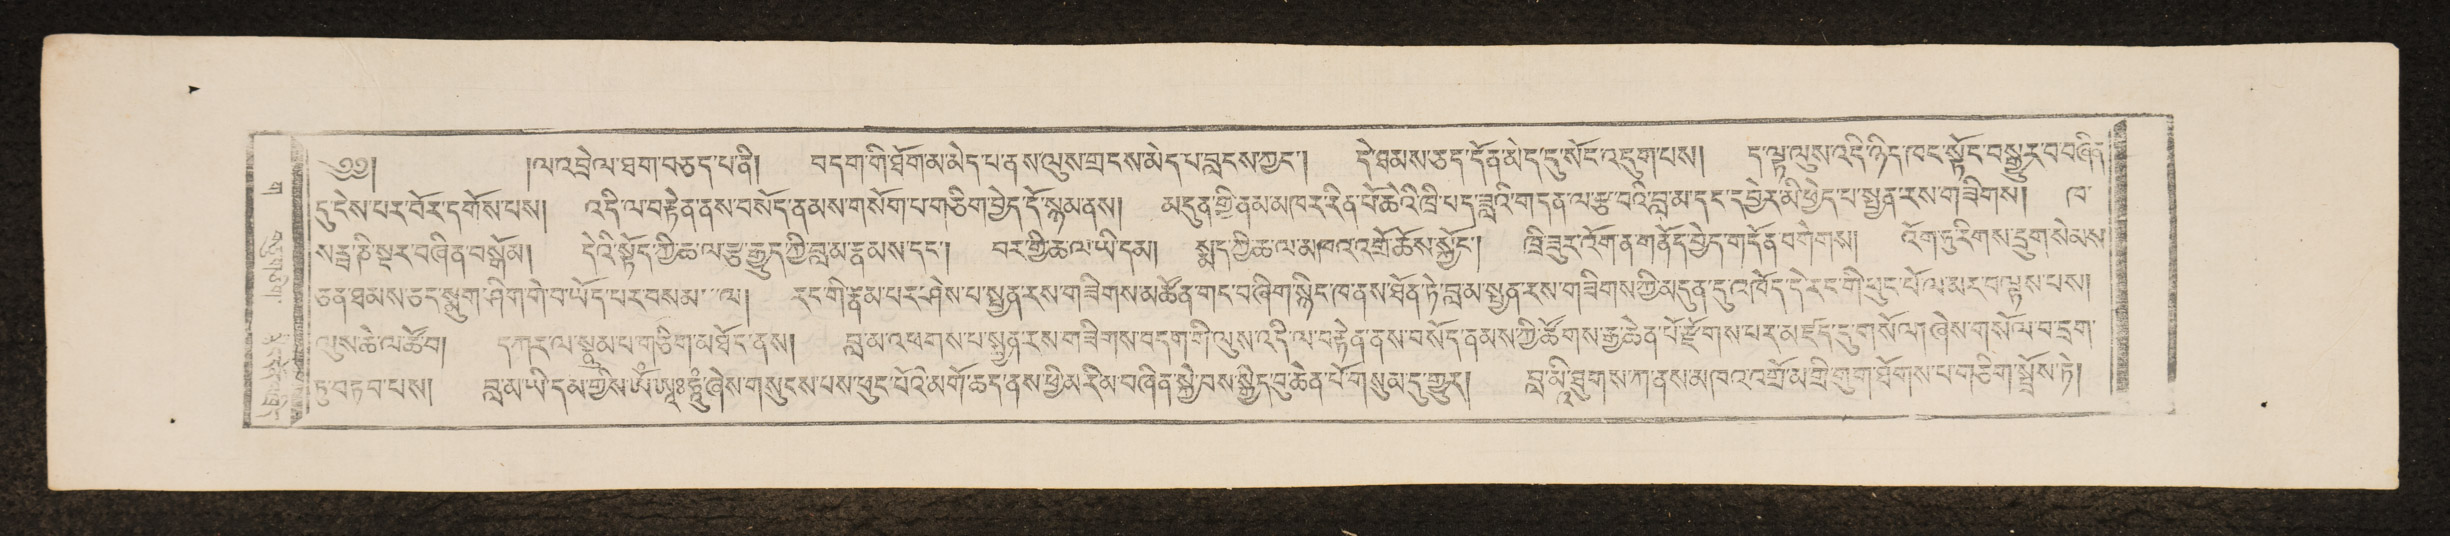༄༅། །ལ་འབྲེལ་ཐག་བཅད་པ་ནི། བདག་གི་ཐོག་མ་མེད་པ་ནས་ལུས་གྲངས་མེད་པ་བླངས་ཀྱང་། དེ་ཐམས་ཅད་དོན་མེད་དུ་སོང་འདུག་པས། ད་ལྟ་ལུས་འདི་ཉིད་ཁང་སྟོང་བསྒྱུར་པ་བཞིན་
དུ་ངེས་པར་བོར་དགོས་པས། འདི་ལ་བརྟེན་ནས་བསོད་ནམས་གསོག་པ་གཅིག་བྱེད་དོ་སྙམ་ནས། མདུན་གྱི་ནམ་མཁར་རིན་པོ་ཆེའི་ཁྲི་པད་ཟླའི་གདན་ལ་རྩ་བའི་བླ་མ་དང་དབྱེར་མི་ཕྱེད་པ་སྤྱན་རས་གཟིགས། ཁ་
སརྦ་ཎི་སྔར་བཞིན་བསྒོམ། དེའི་སྟོད་ཀྱི་ཆ་ལ་རྩ་རྒྱུད་ཀྱི་བླ་མ་རྣམས་དང་། བར་གྱི་ཆ་ལ་ཡི་དམ། སྨད་ཀྱི་ཆ་ལ་མཁའ་འགྲོ་ཆོས་སྐྱོང་། ཁྲི་ཟུར་འོག་ན་གནོད་བྱེད་གདོན་བགེགས། འོག་ཏུ་རིགས་དྲུག་སེམས་
ཅན་ཐམས་ཅད་སྨུག་ཤིག་གེ་བ་ཡོད་པར་བསམ་ལ། རང་གི་རྣམ་པར་ཤེས་པ་སྤྱན་རས་གཟིགས་མཚོན་གང་བ་ཞིག་སྙིང་ཁ་ནས་ཐོན་ཏེ་བླ་མ་སྤྱན་རས་གཟིགས་ཀྱི་མདུན་དུ་འཁོད་དེ་རང་གི་ཕུང་པོ་ལ་མར་བལྟས་པས།
ལུས་ཆེ་ལ་ཚོ་བ། དཀར་ལ་སྣུམ་པ་གཅིག་མཐོང་ནས། བླ་མ་འཕགས་པ་སྤྱན་རས་གཟིགས་བདག་གི་ལུས་འདི་ལ་བརྟེན་ནས་བསོད་ནམས་ཀྱི་ཚོགས་རྒྱ་ཆེན་པོ་རྫོགས་པར་མཛད་དུ་གསོལ། ཞེས་གསོལ་བ་དྲག་
ཏུ་བཏབ་པས། བླ་མ་ཡི་དམ་གྱིས་ཨོཾ་ཨཱཿཧཱུཾ་ཞེས་གསུངས་པས་ཕུང་པོའི་མགོ་ཆད་ནས་ཕྱི་མ་རིམ་བཞིན་སྐྱེ་བས་སྒྱིད་བུ་ཆེན་པོ་གསུམ་དུ་གྱུར། བླ་མའི་ཐུགས་ཀ་ནས་མཁའ་འགྲོ་མ་གྲི་གུག་ཐོགས་པ་གཅིག་སྤྲོས་ཏེ།